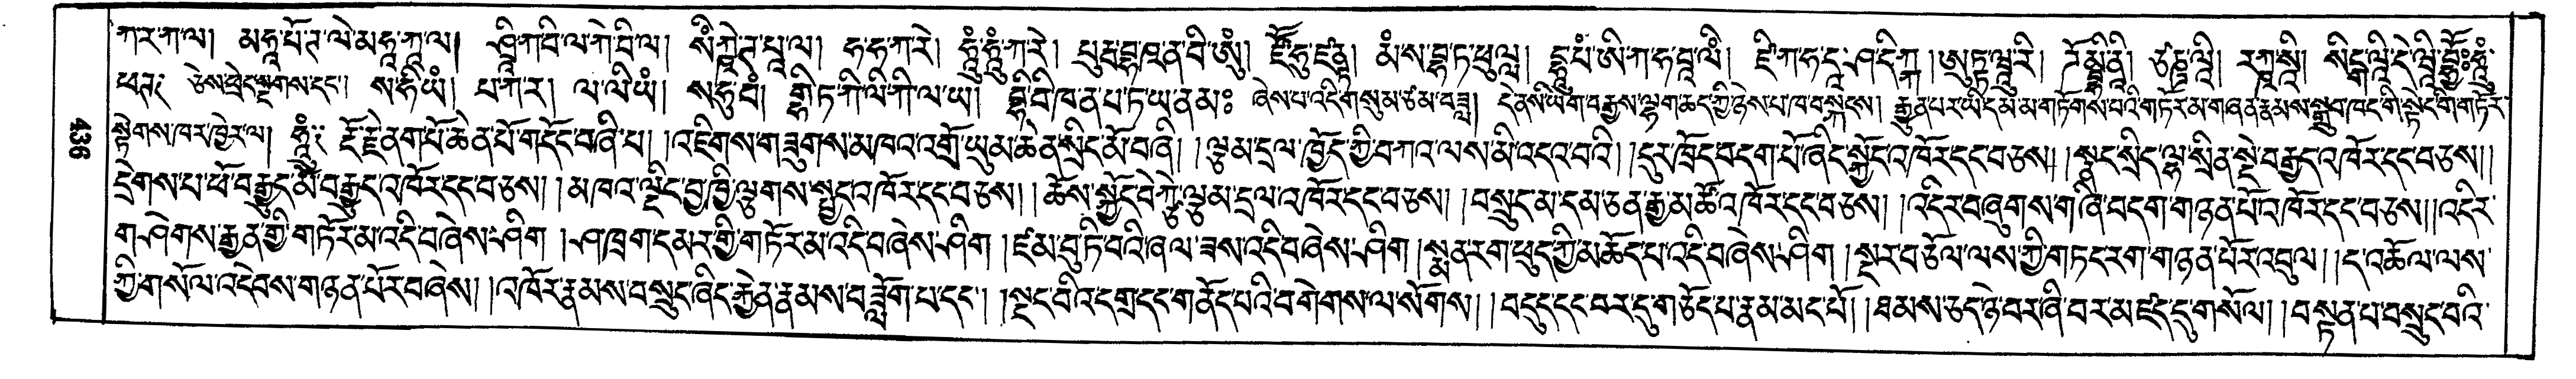ཀ་ར་ཀ་ལ། མཧཱ་པོཊ་ལེ་མཧཱ་ཀཱ་ལ། ཤྲཱི་ཀ་བི་ལ་ཀེ་བི་ལ། སིཾ་ཀྵེ་ཊ་པཱ་ལ། ཧ་ཧ་ཀ་རེ། ཧཱུཾ་ཧཱུཾ་ཀ་རེ། པུརྦ་བྷ་ཥ་ན་བི་ཨུཾ། ཛཽཧུ་ཛིནྟ། མཾ་ས་བྷ་ཏ་ཕུལླ། དྷཱུ་པཾ་ཨི་ཀ་ཧ་བཱ་ལིཾ། ཛི་ཀ་ཧ་དཱ་ཤ་དིཀྐ། །ཨུཏྟ་ཝ་རི། ཌོ་མི་ནཱི། ཙཎྜ་ལཱི། རཀཱ་སཱི། སིངྒ་ལཱི་དེ་ཝིཾབྷྱིཨཽཿཧཱུཾ་
ཕཊ། ཅེས་ཕྲེང་སྔགས་དང་།  སཧི་ཡཾ། པ་ཀར། ལ་ལི་ཡཾ་ས་ཧུ་པཾ། གྷིཏྐིལི་ཀེ་ལ་ཡ། བྷི་བི་ཁན་པ་ཏ་ཡ་ནམཿ ཞེས་པ་འདི་གསུམ་ཙམ་བཟླ། དེ་ནས་ཡིག་བརྒྱས་ལྷག་ཆད་ཀྱི་ཉེས་པ་ཁ་བསྐངས། རྒྱུན་པར་ཡི་དམ་མ་གཏོགས་པའི་གཏོར་མ་གཞན་རྣམས་སྒྲུབ་ཁང་གི་སྟེང་གི་གཏོར་
སྟེགས་ཁར་ཁྱེར་ལ། ཧཱུཾ༑ རྡོ་རྗེ་ནག་པོ་ཆེན་པོ་གདོང་བཞི་པ། འཇིགས་གཟུགས་མཁའ་འགྲོ་ཡུམ་ཆེན་སྲིང་མོ་བཞི། །ལྕམ་དྲལ་ཁྱོད་ཀྱི་བཀའ་ལས་མི་འདའ་བའི། །དུར་ཁྲོད་བདག་པོ་ཞིང་སྐྱོང་འཁོར་དང་བཅས། །སྣང་སྲིད་ལྷ་སྲིན་སྡེ་བརྒྱད་འཁོར་དང་བཅས།།
དྲེགས་པ་ཕོ་བརྒྱུད་མོ་བརྒྱུད་འཁོར་དང་བཅས། །མཁའ་ལྡིང་བྱ་ཁྱི་ལྕགས་སྦྱང་འཁོར་དང་བཅས། །ཆོས་སྐྱོང་བེཀྩེ་ལྕམ་དྲལ་འཁོར་དང་བཅས། །བསྲུང་མ་དམ་ཅན་རྒྱ་མཚོ་འཁོར་དང་བཅས། །འདིར་བཞུགས་གཞི་བདག་གཉན་པོ་འཁོར་དང་བཅས། །འདིར་
གཤེགས་རྒྱན་གྱི་གཏོར་མ་འདི་བཞེས་ཤིག །ཤ་ཁྲག་དམར་གྱི་གཏོར་མ་འདི་བཞེས་ཤིག །ཛམ་བུ་ཏི་བའི་ཞལ་ཟས་འདི་བཞེས་ཤིག །སྨན་རག་ཕུད་ཀྱི་མཆོད་པ་འདི་བཞེས་ཤིག །སྔར་བཅོལ་ལས་ཀྱི་གཏང་རག་གཉན་པོར་འབུལ། །ད་འཆོལ་ལས་
ཀྱི་གསོལ་འདེབས་གཉན་པོར་བཞེས། །འཁོར་རྣམས་བསྲུང་ཞིང་རྐྱེན་རྣམས་བཟློག་པ་དང་། །སྡང་བའི་དགྲ་དང་གནོད་པའི་བགེགས་ལ་སོགས། །བདུད་དང་བར་དུ་གཅོད་བ་རྣམ་མང་པོ། །ཐམས་ཅད་ཉེ་བར་ཞི་བར་མཛད་དུ་གསོལ། །བསྟན་པ་བསྲུང་བའི་